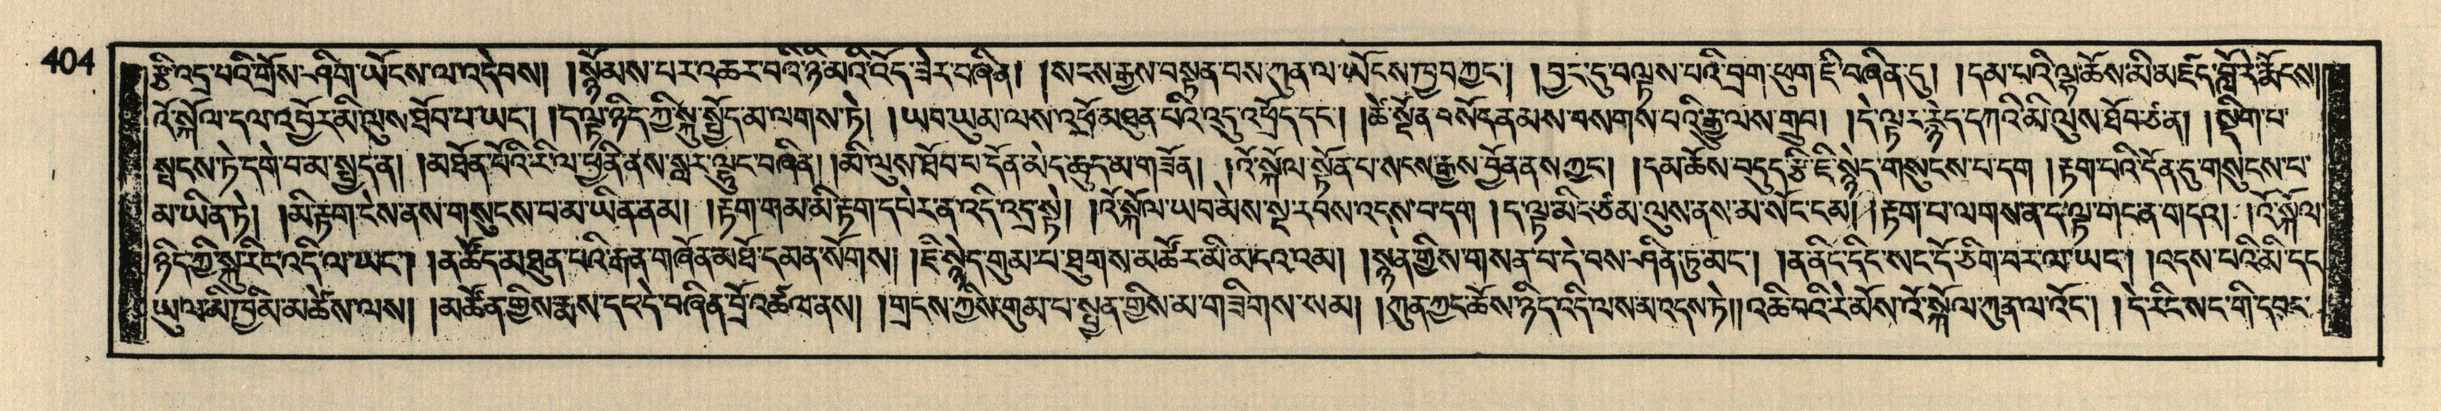རྩི་འདྲ་བའི་གྲོས་ཤིག་ཡོངས་ལ་འདེབས། །སྙོམས་པར་འཆར་བའི་ཉི་མའི་འོད་ཟེར་བཞིན། །སངས་རྒྱས་བསྟན་པས་ཀུན་ལ་ཡོངས་ཁྱབ་ཀྱང་། །བྱང་དུ་བལྟས་པའི་བྲག་ཕུག་ཇི་བཞིན་དུ། །དམ་པའི་ལྷ་ཆོས་མི་མཛད་བློ་རེ་རྨོངས།།
འོ་སྐོལ་དལ་འབྱོར་མི་ལུས་ཐོབ་པ་ཡང་། །ད་ལྟ་ཉིད་ཀྱི་སྐུ་སྤྱོད་མ་ལགས་ཏེ། །ཡབ་ཡུམ་ལས་འཕྲོ་མཐུན་པའི་འདུ་འཕྲོད་དང་། །ཚེ་སྔོན་བསོད་ནམས་བསགས་པའི་རྒྱུ་ལས་གྲུབ། །དེ་ལྟར་རྙེད་དཀའི་མི་ལུས་ཐོབ་ཙ་ན། །སྡིག་པ་
སྤངས་ཏེ་དགེ་བ་མ་སྤྱད་ན། །མཐོན་པོའི་རི་ལ་ཕྱིན་ནས་སླར་ལྷུང་བཞིན། །མི་ལུས་ཐོབ་པ་དོན་མེད་ཆུད་མ་གཟོན། །འོ་སྐོལ་སྟོན་པ་སངས་རྒྱས་བྱོན་ནས་ཀྱང་། །དམ་ཆོས་བདུད་རྩི་ཇི་སྙེད་གསུངས་པ་དག །རྟག་པའི་དོན་དུ་གསུངས་པ་
མ་ཡིན་ཏེ། །མི་རྟག་ངེས་ནས་གསུངས་པ་མ་ཡིན་ནམ། །རྟག་གམ་མི་རྟག་དཔེར་ན་འདི་འདྲ་སྟེ། །འོ་སྐོལ་ཡབ་མེས་སྔ་རབས་འདས་པ་དག །ད་ལྟ་མིང་ཙམ་ལུས་ནས་མ་སོང་ངམ། །རྟག་པ་ལགས་ན་ད་ལྟ་གང་ན་གདའ། །འོ་སྐོལ་
ཉིད་ཀྱི་སྐུ་རིང་འདི་ལ་ཡང་། །ན་ཚོད་མཐུན་པའི་རྒན་གཞོན་མཐོ་དམན་སོགས། །ཇི་སྙེད་གུམ་པ་ཐུགས་མཚོར་མི་མངའ་འམ། །སྙན་གྱིས་གསན་བ་དེ་བས་ཤིན་ཏུ་མང་། །ན་ནིང་དིང་སང་དོ་ཅིག་བར་ལ་ཡང་། །འདས་པའི་མི་དང་
ཡུལ་མི་ཁྱིམ་མཚེས་ལས། །མཚོན་གྱིས་རྨས་དང་དེ་བཞིན་བྲོ་འཚལ་ནས། །གྲངས་ཀྱིས་གུམ་པ་སྤྱན་གྱིས་མ་གཟིགས་སམ། །ཀུན་ཀྱང་ཆོས་ཉིད་འདི་ལས་མ་འདས་ཏེ། །འཆི་བའི་རེ་མོས་འོ་སྐོལ་ཀུན་ལ་འོང་། །དེ་རིང་སང་གི་དབང་